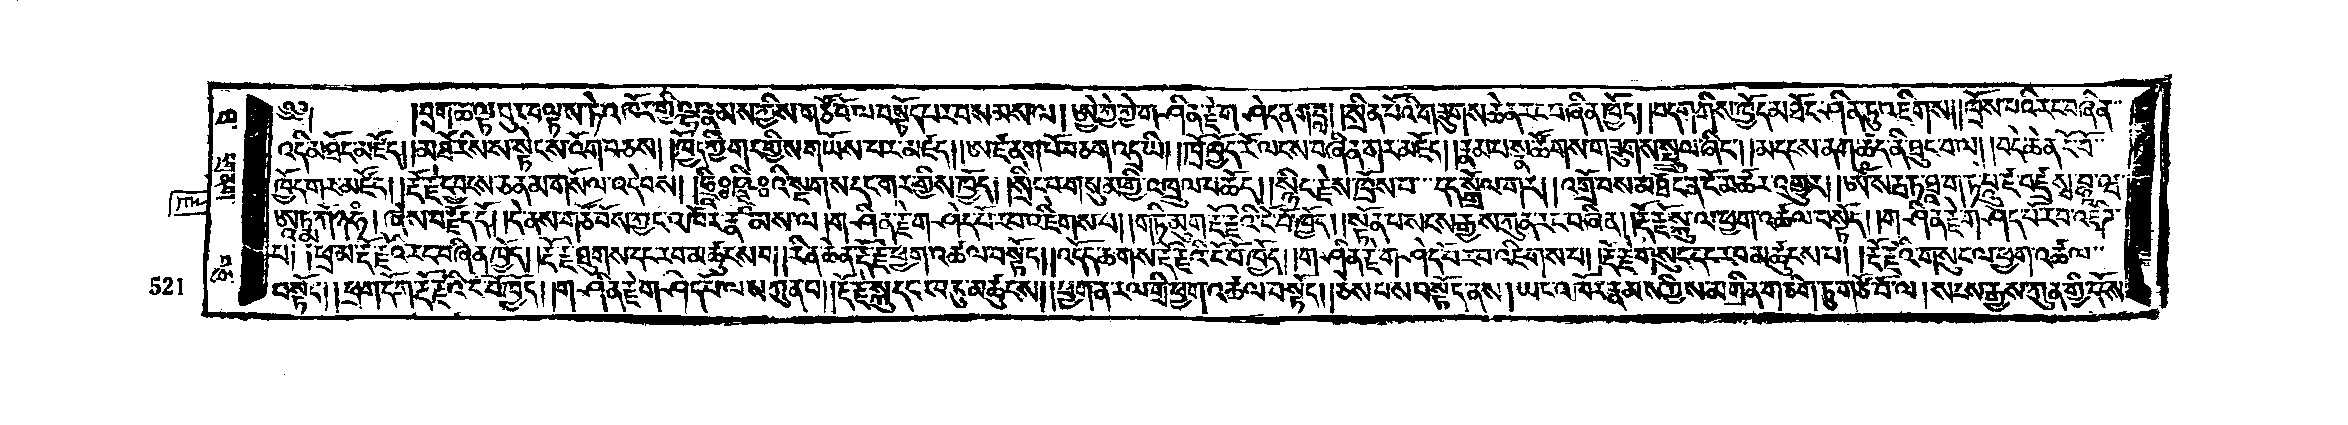༄༅། །བྲག་ཆ་ལྟ་བུར་བལྟས་ཏེ་འཁོར་གྱི་ལྷ་རྣམས་ཀྱིས་གཙོ་བོ་ལ་བསྟོད་པར་བསམས་ལ། ཨཡེ་ཀྱེ་ཀྱེ་གཤིན་རྗེ་གཤེད་ནག་བླ། །སྲིན་པོའི་གཟུགས་ཆེན་རང་བཞིན་ཁྱོད། །བདག་གིས་ཁྱོད་མཐོང་ཤིན་ཏུ་འཇིགས། །ཁྲོས་པའི་རང་བཞིན་
འདི་མཐོང་མཛོད། །མཐོ་རིས་ས་སྟེང་ས་འོག་བཅས། །ཁྱོད་ཀྱི་གར་གྱིས་གཡོས་པར་མཛད། །ཨ་ཛ་ནག་པོ་བཅག་འདྲ་ཡི། །ཁྲོ་ཁྱོད་རོ་ལངས་བཞིན་གར་མཛོད། །རྣམ་པ་སྣ་ཚོགས་གཟུགས་སྤྲུལ་ཞིང་། །མདངས་ནག་ཚད་ནི་ཐུང་བ་ལ། །བདེ་ཆེན་ངོ་བོ་
ཁྱོད་གར་མཛོད། །རྡོ་རྗེ་དབྱངས་ཅན་མ་གསོལ་འདེབས། །ཧྲཱིཿ ཥྚིཿའི་སྔགས་དང་གར་གྱིས་ཁྱོད། །སྲིད་པ་གསུམ་གྱི་འཁྲུལ་པ་ཆོད། །སྙིང་རྗེས་ཁྲོས་པ་དད་སྒྲོལ་གར། །འགྲོ་བས་མཐོང་ན་ངོ་མཚར་འགྱུར། །ཨོཾ་སརྦ་ཏ་ཐཱ་ག་ཏ་པཱུ་ཛ་བཛྲ་སྭ་བྷཱ་ཝ་
ཨཱཏྨ་ཀོཉྷཾ། ཞེས་བརྗོད་དོ། །དེ་ནས་གཙོ་བོས་ཀྱང་འཁོར་རྣམས་ལ། གཤིན་རྗེ་གཤེད་པོ་རབ་འཇིགས་པ། །གཏི་མུག་རྡོ་རྗེའི་ངོ་བོ་ཁྱོད། །སྟོན་པ་སངས་རྒྱས་ཀུན་རང་བཞིན། །རྡོ་རྗེ་སྐུ་ལ་ཕྱག་འཚལ་བསྟོད། །གཤིན་རྗེ་གཤེད་པོ་རབ་འཇིགས་
པ། །ཕྲ་མ་རྡོ་རྗེའི་རང་བཞིན་ཁྱོད། །རྡོ་རྗེ་ཐུགས་དང་རབ་མཚུངས་པ། །རིན་ཆེན་རྡོ་རྗེ་ཕྱག་འཚལ་བསྟོད། །འདོད་ཆགས་རྡོ་རྗེའི་ངོ་བོ་ཁྱོད། །གཤིན་རྗེ་གཤེད་པོ་རབ་འཇིགས་པ། །རྡོ་རྗེ་གསུངས་དང་རབ་མཚུངས་པ། །རྡོ་རྗེའི་གསུང་ལ་ཕྱག་འཚལ་
བསྟོད། །ཕྲག་དོག་རྡོ་རྗེའི་ངོ་བོ་ཁྱོད། །གཤིན་རྗེ་གཤེད་པོ་ལས་ཀུན་པ། །རྡོ་རྗེ་སྐུ་དང་རབ་ཏུ་མཚུངས། །ཕྱག་ན་རལ་གྲི་ཕྱག་འཚལ་བསྟོད། །ཅེས་པས་བསྟོད་ནས། ཡང་འཁོར་རྣམས་ཀྱིས་མགྲིན་གཅིག་ཏུ་གཙོ་བོ་ལ། སངས་རྒྱས་ཀུན་གྱི་དངོས་